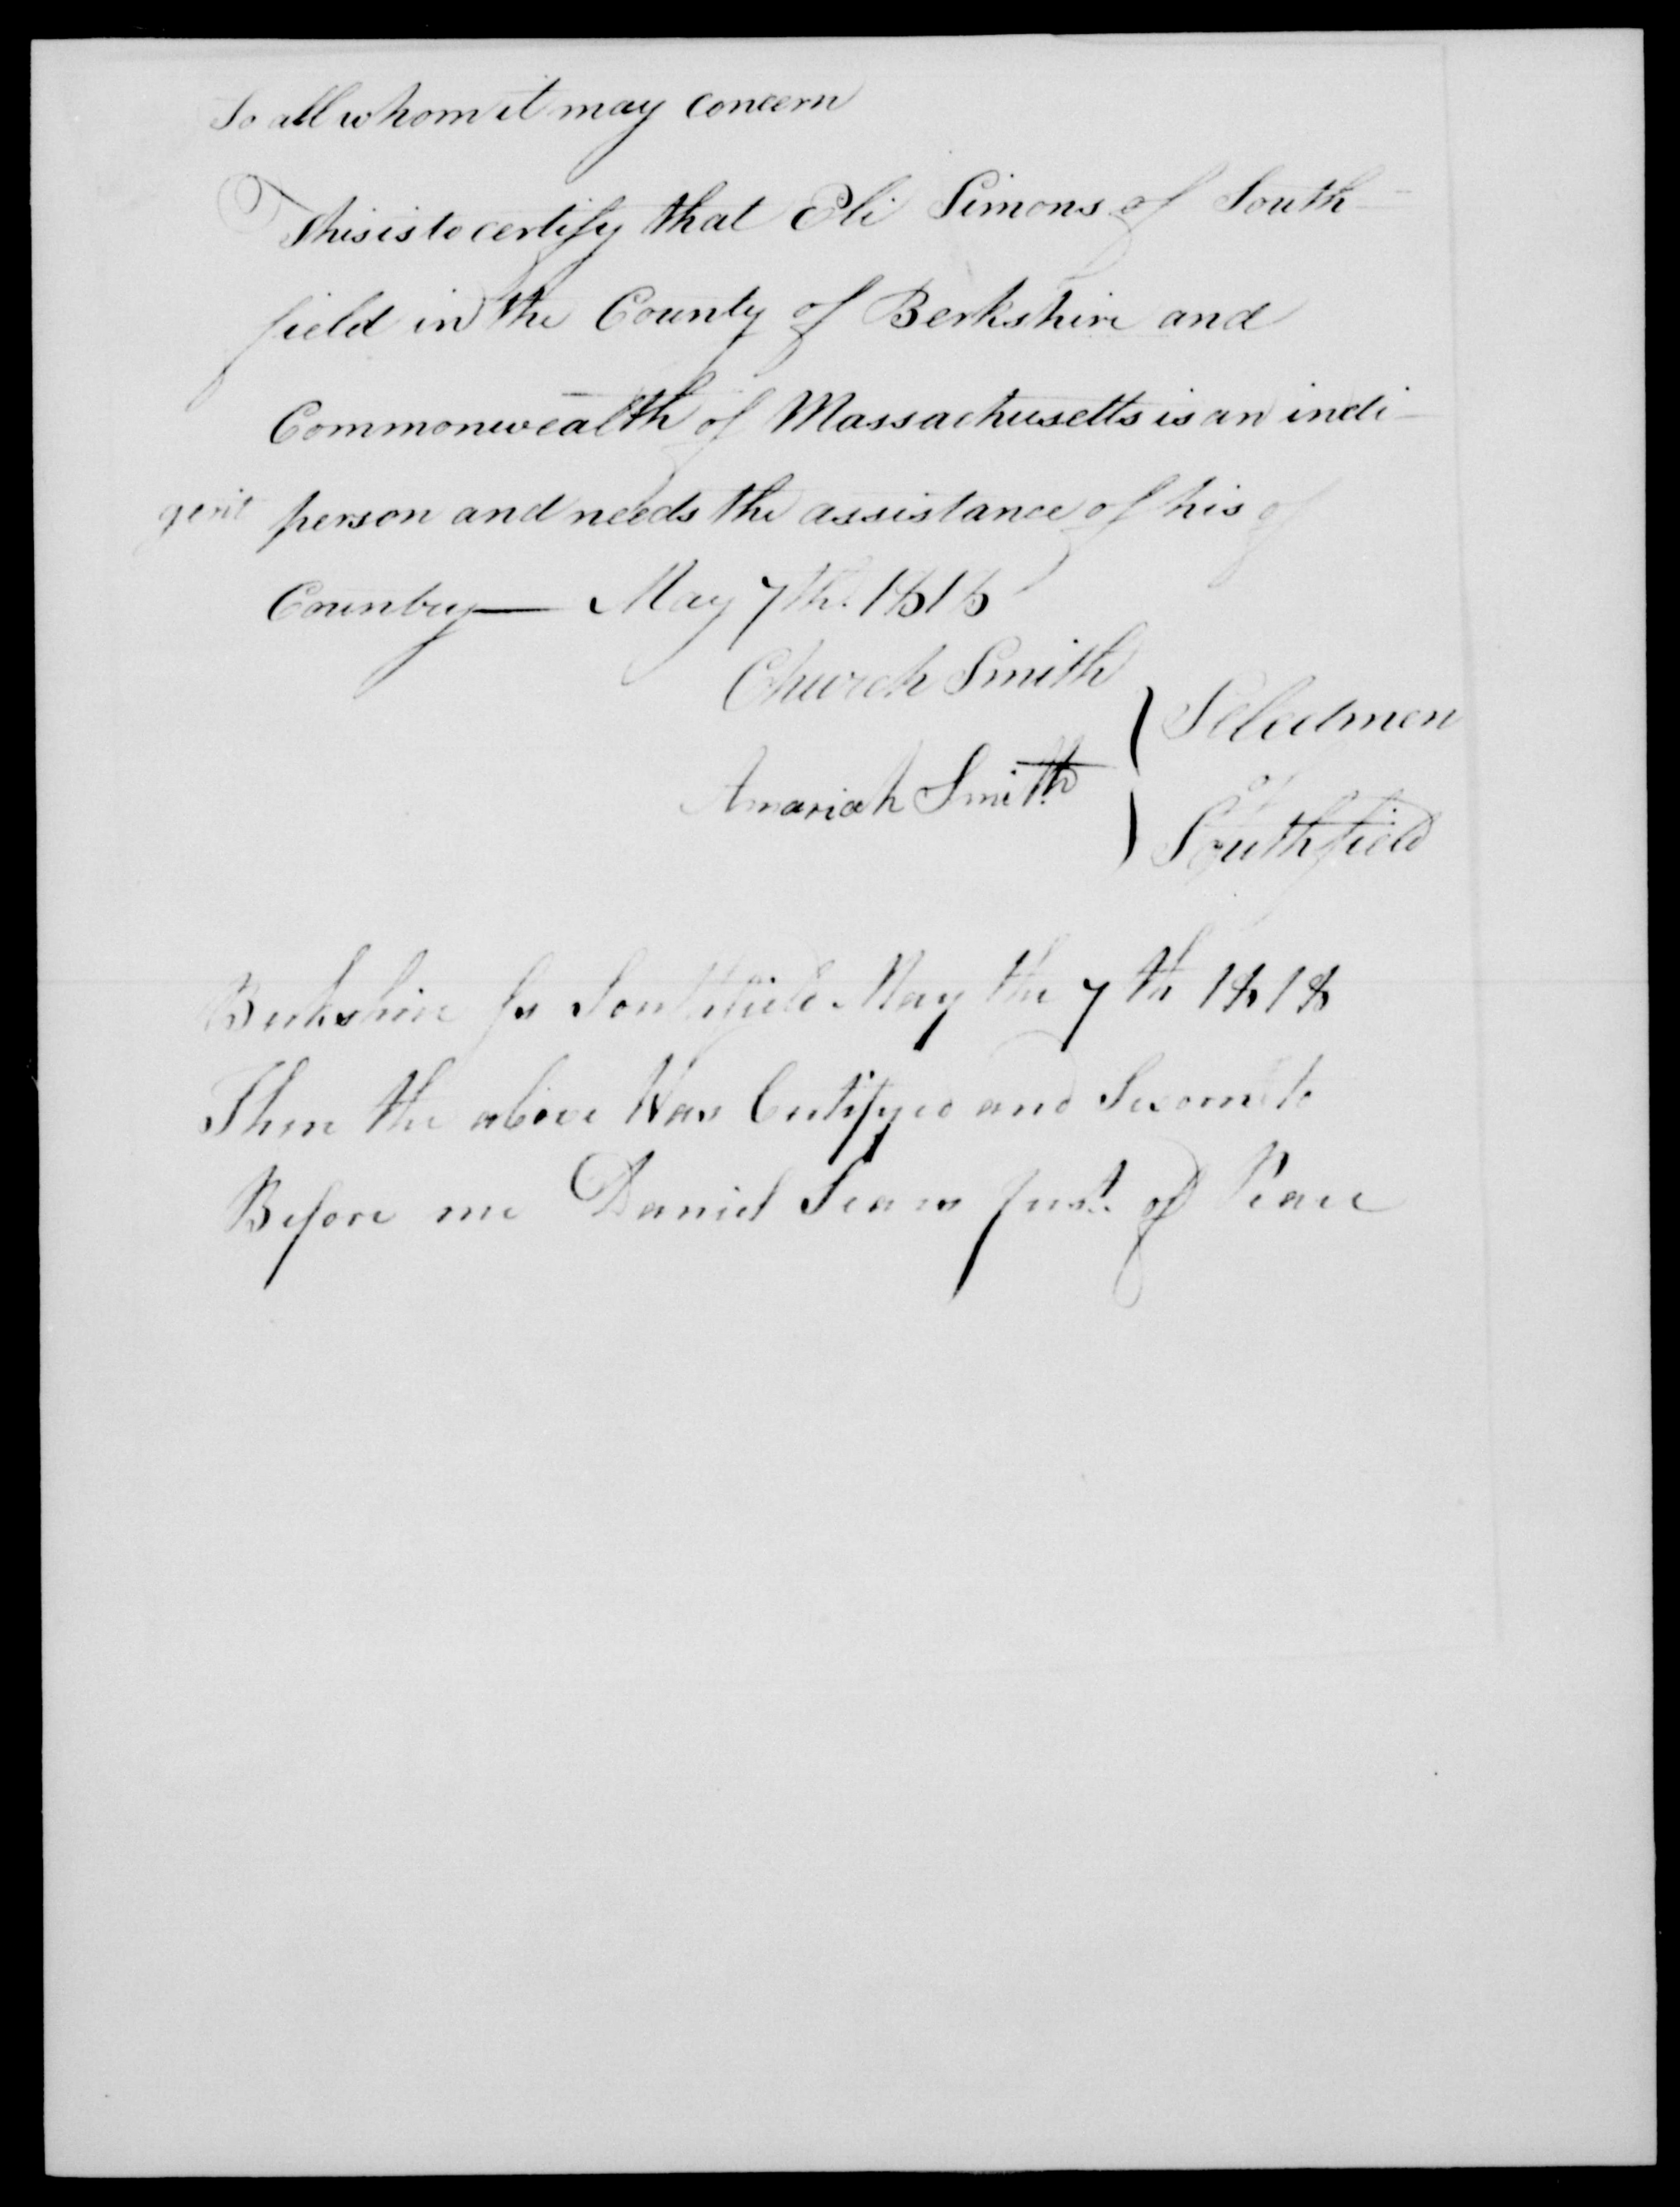To all whom it may concern
This is to certify that Eli Simons of Southfield in the County of Berkshire and Commonwealth of Massachusetts is an indigent person and needs the assistance of his of Country - May 7th 1818
Church Smith }
Amariah Smith } Selectmen of Southfield

Berkshire ss Southfield May the 7th 1818
Then the above Was Certified and Sworn to Before me Daniel Simons Just of Peace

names: Amariah Smith; Church Smith; Eli Simons; Daniel Simons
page: 11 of 20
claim: survivor's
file: S 33668, for Eli Simons, Connecticut